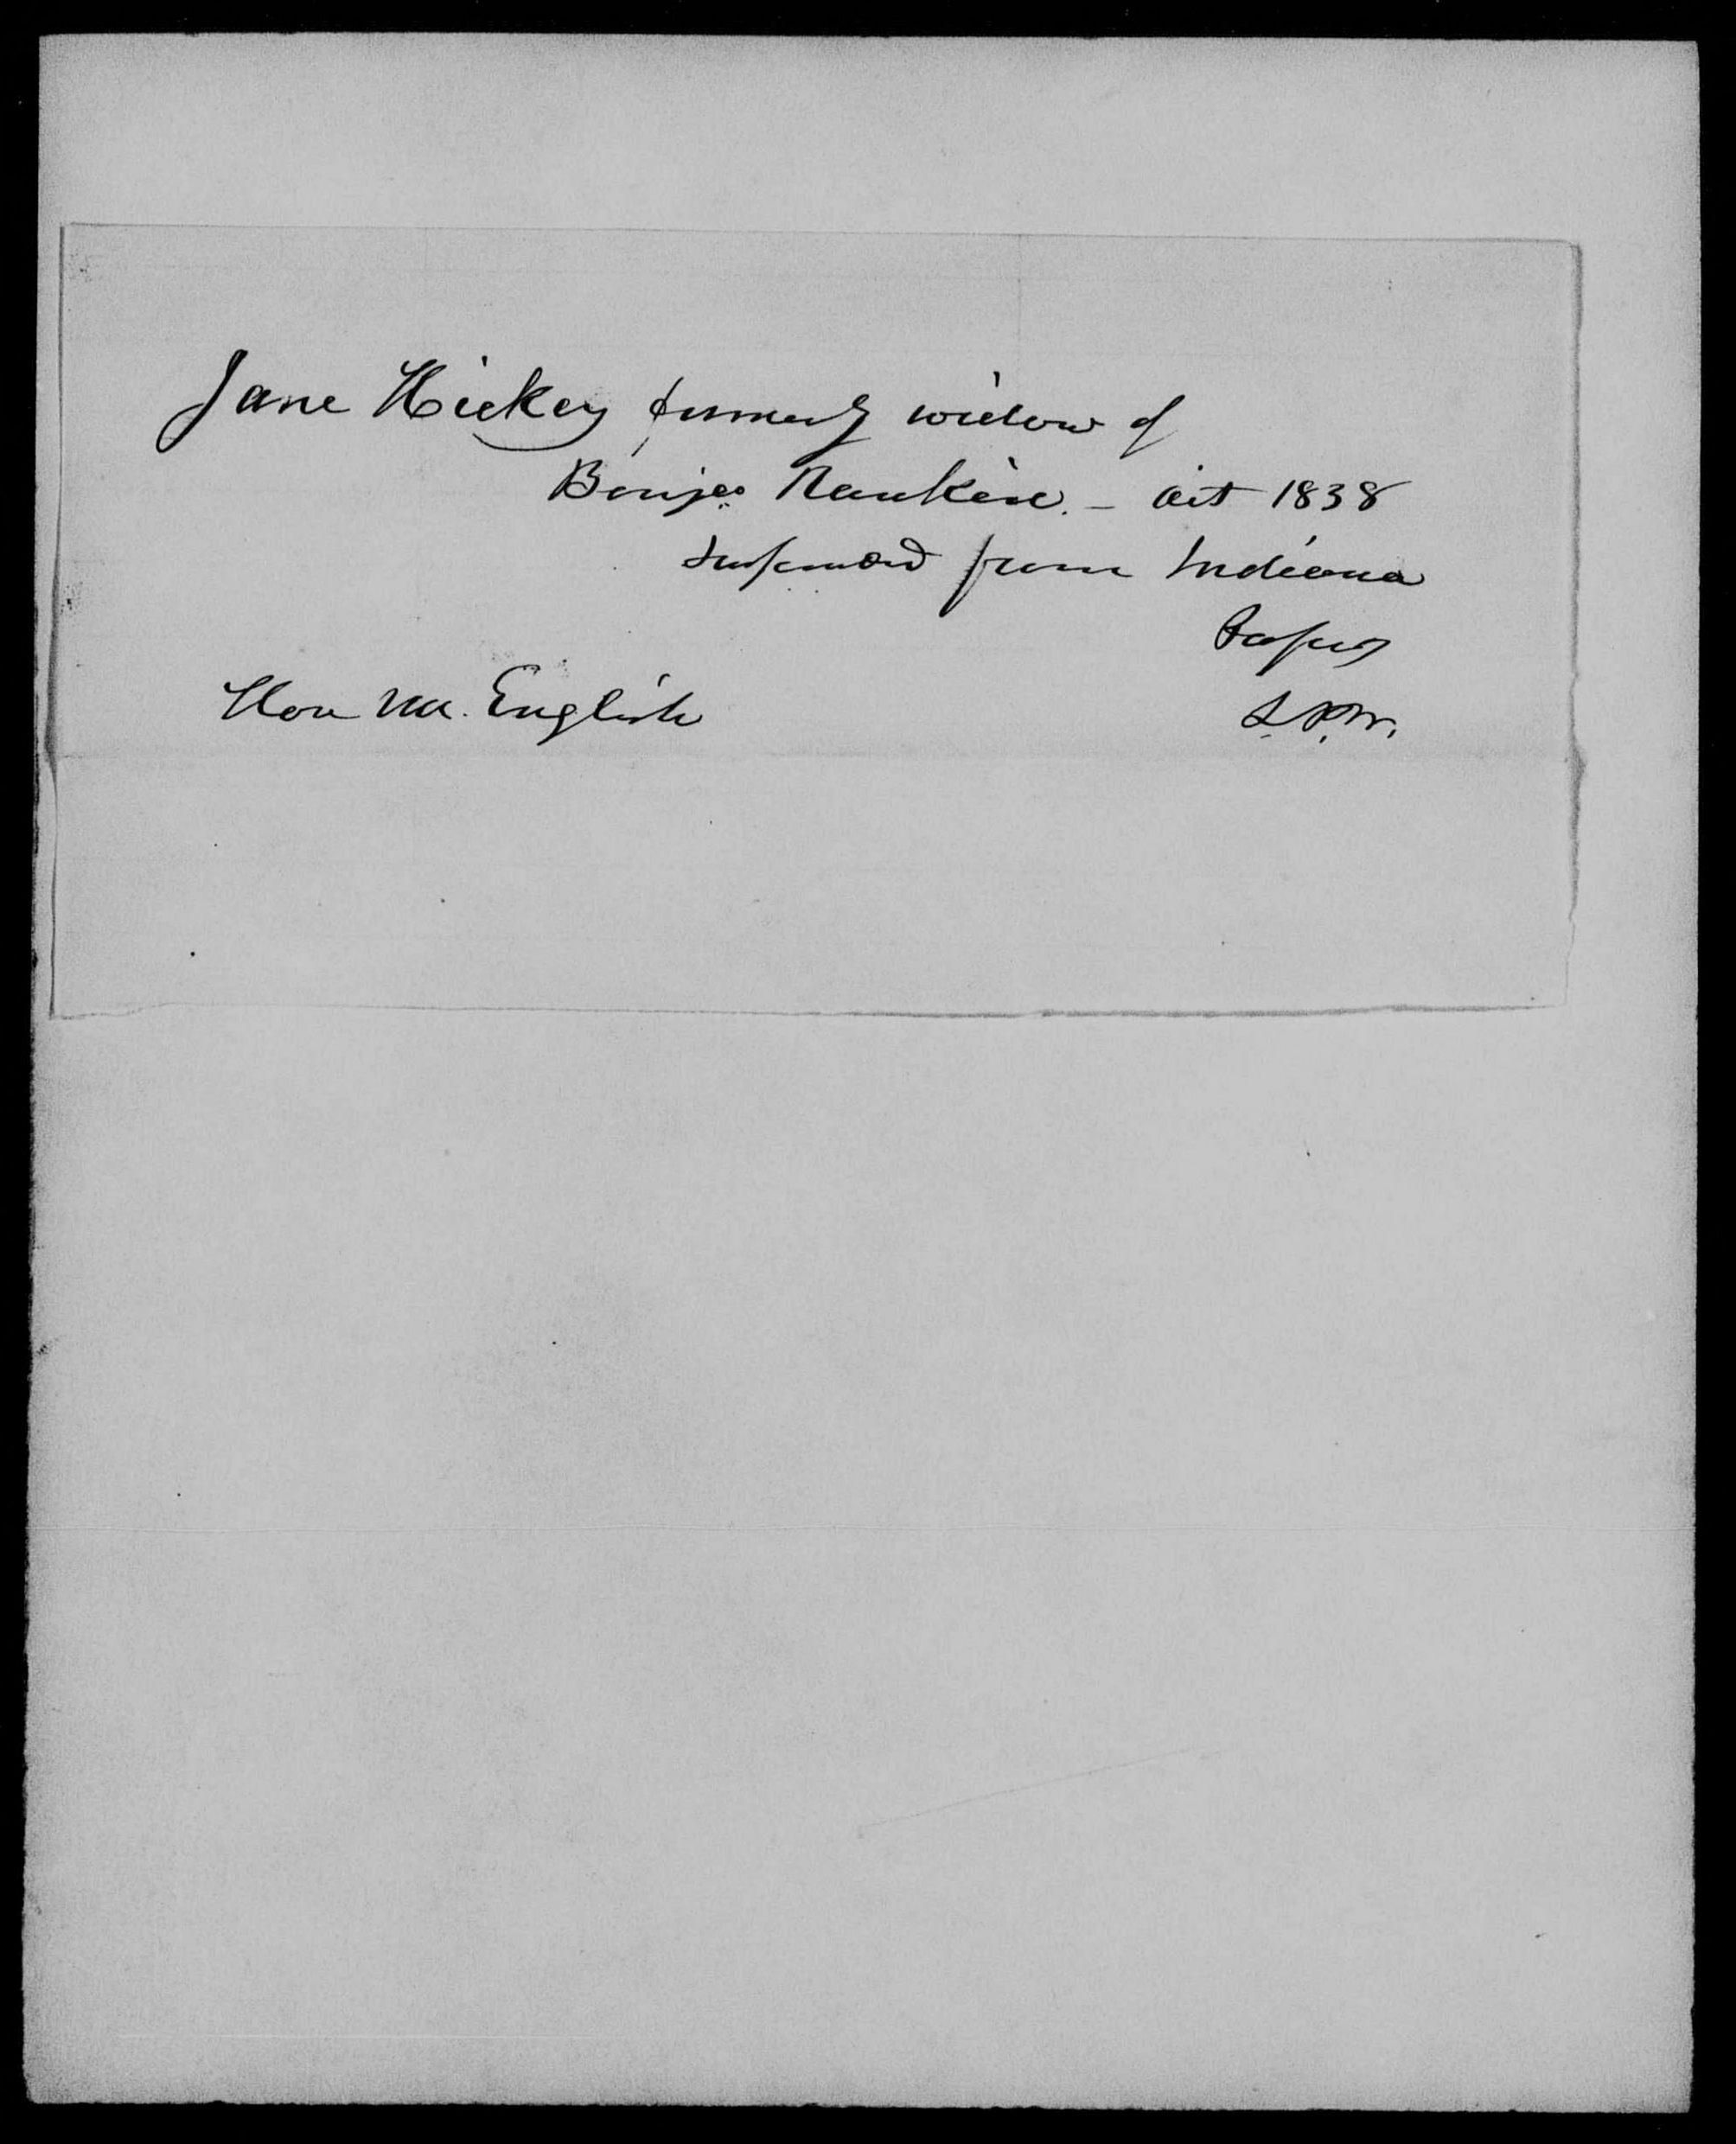Jane Hickey formerly widow of
Benj'n Rankin.- Act 1838
Suspended from Indiana
Papers
L.P.W.
Hon Wm English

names: Jane Hickey, English, Benja Rankin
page: 21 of 84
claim: widow's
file: W. 7744, Daniel Hickey, Penn.